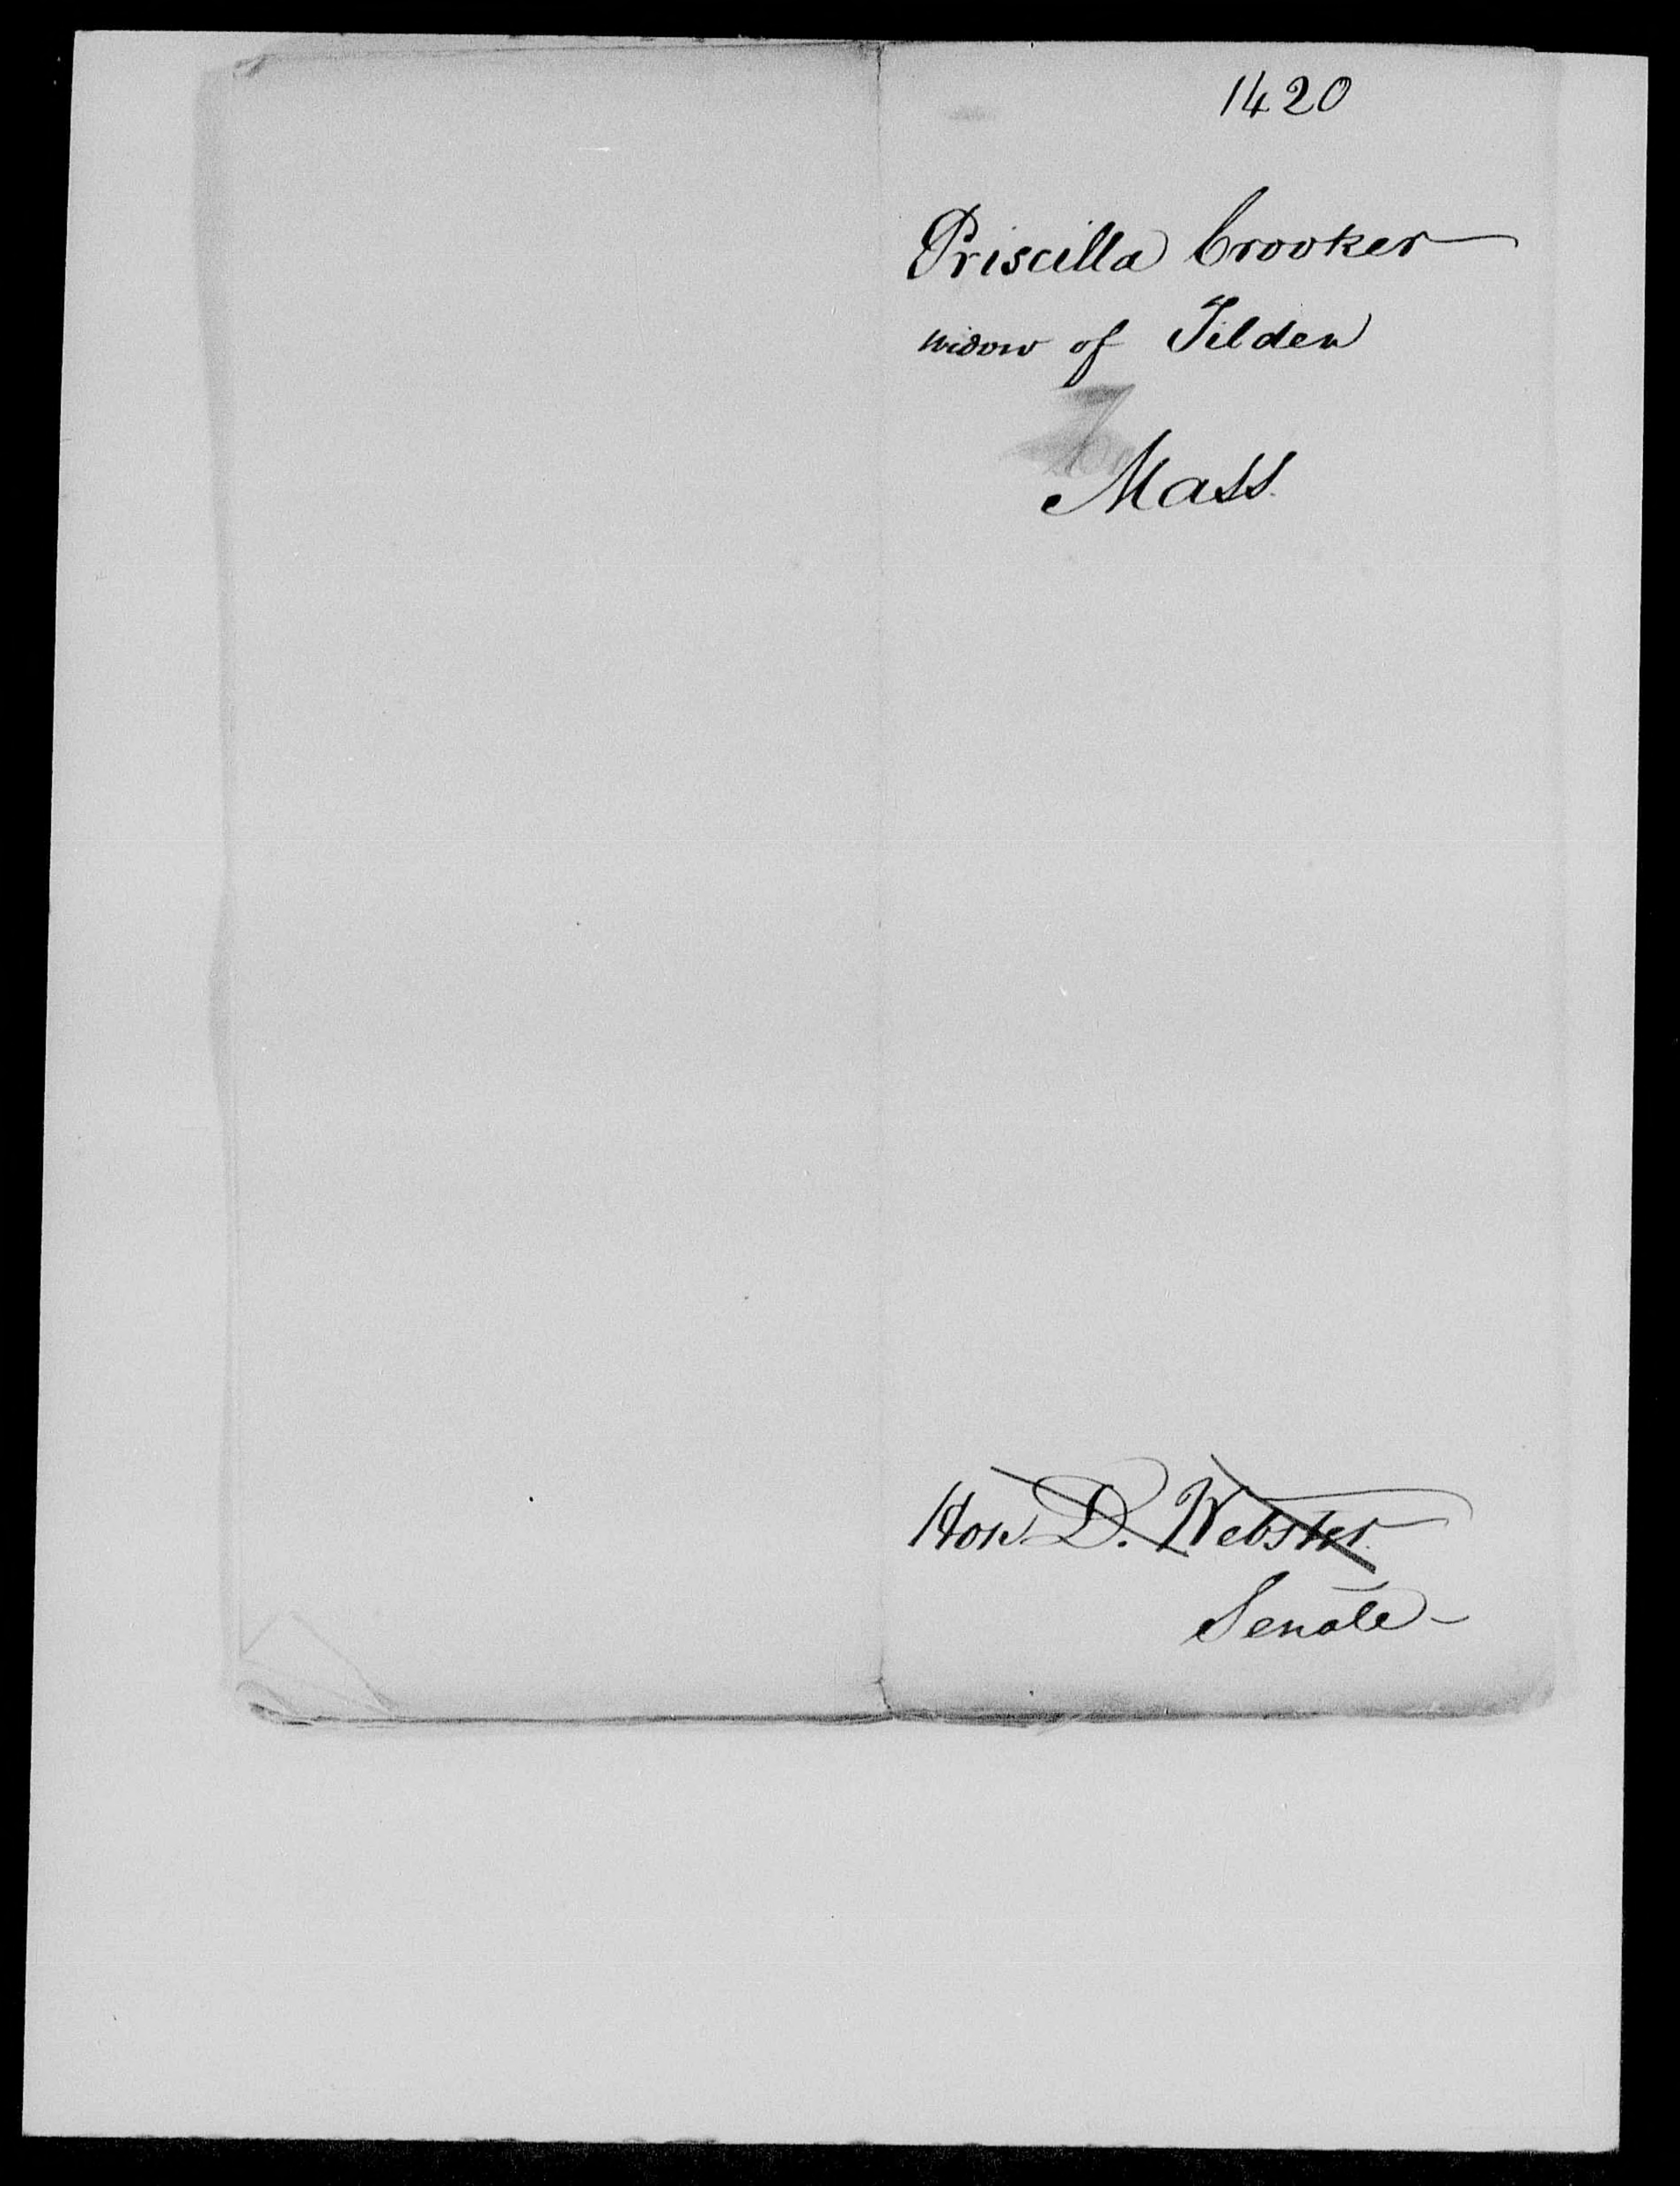1420 

Priscilla Crooker

widow of Tilden

Mass.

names: Priscilla Crooker, Tilden Crooker, D Webster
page: 7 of 33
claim: widow's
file: W. 22862, Tilden Crooker, Mass Navy